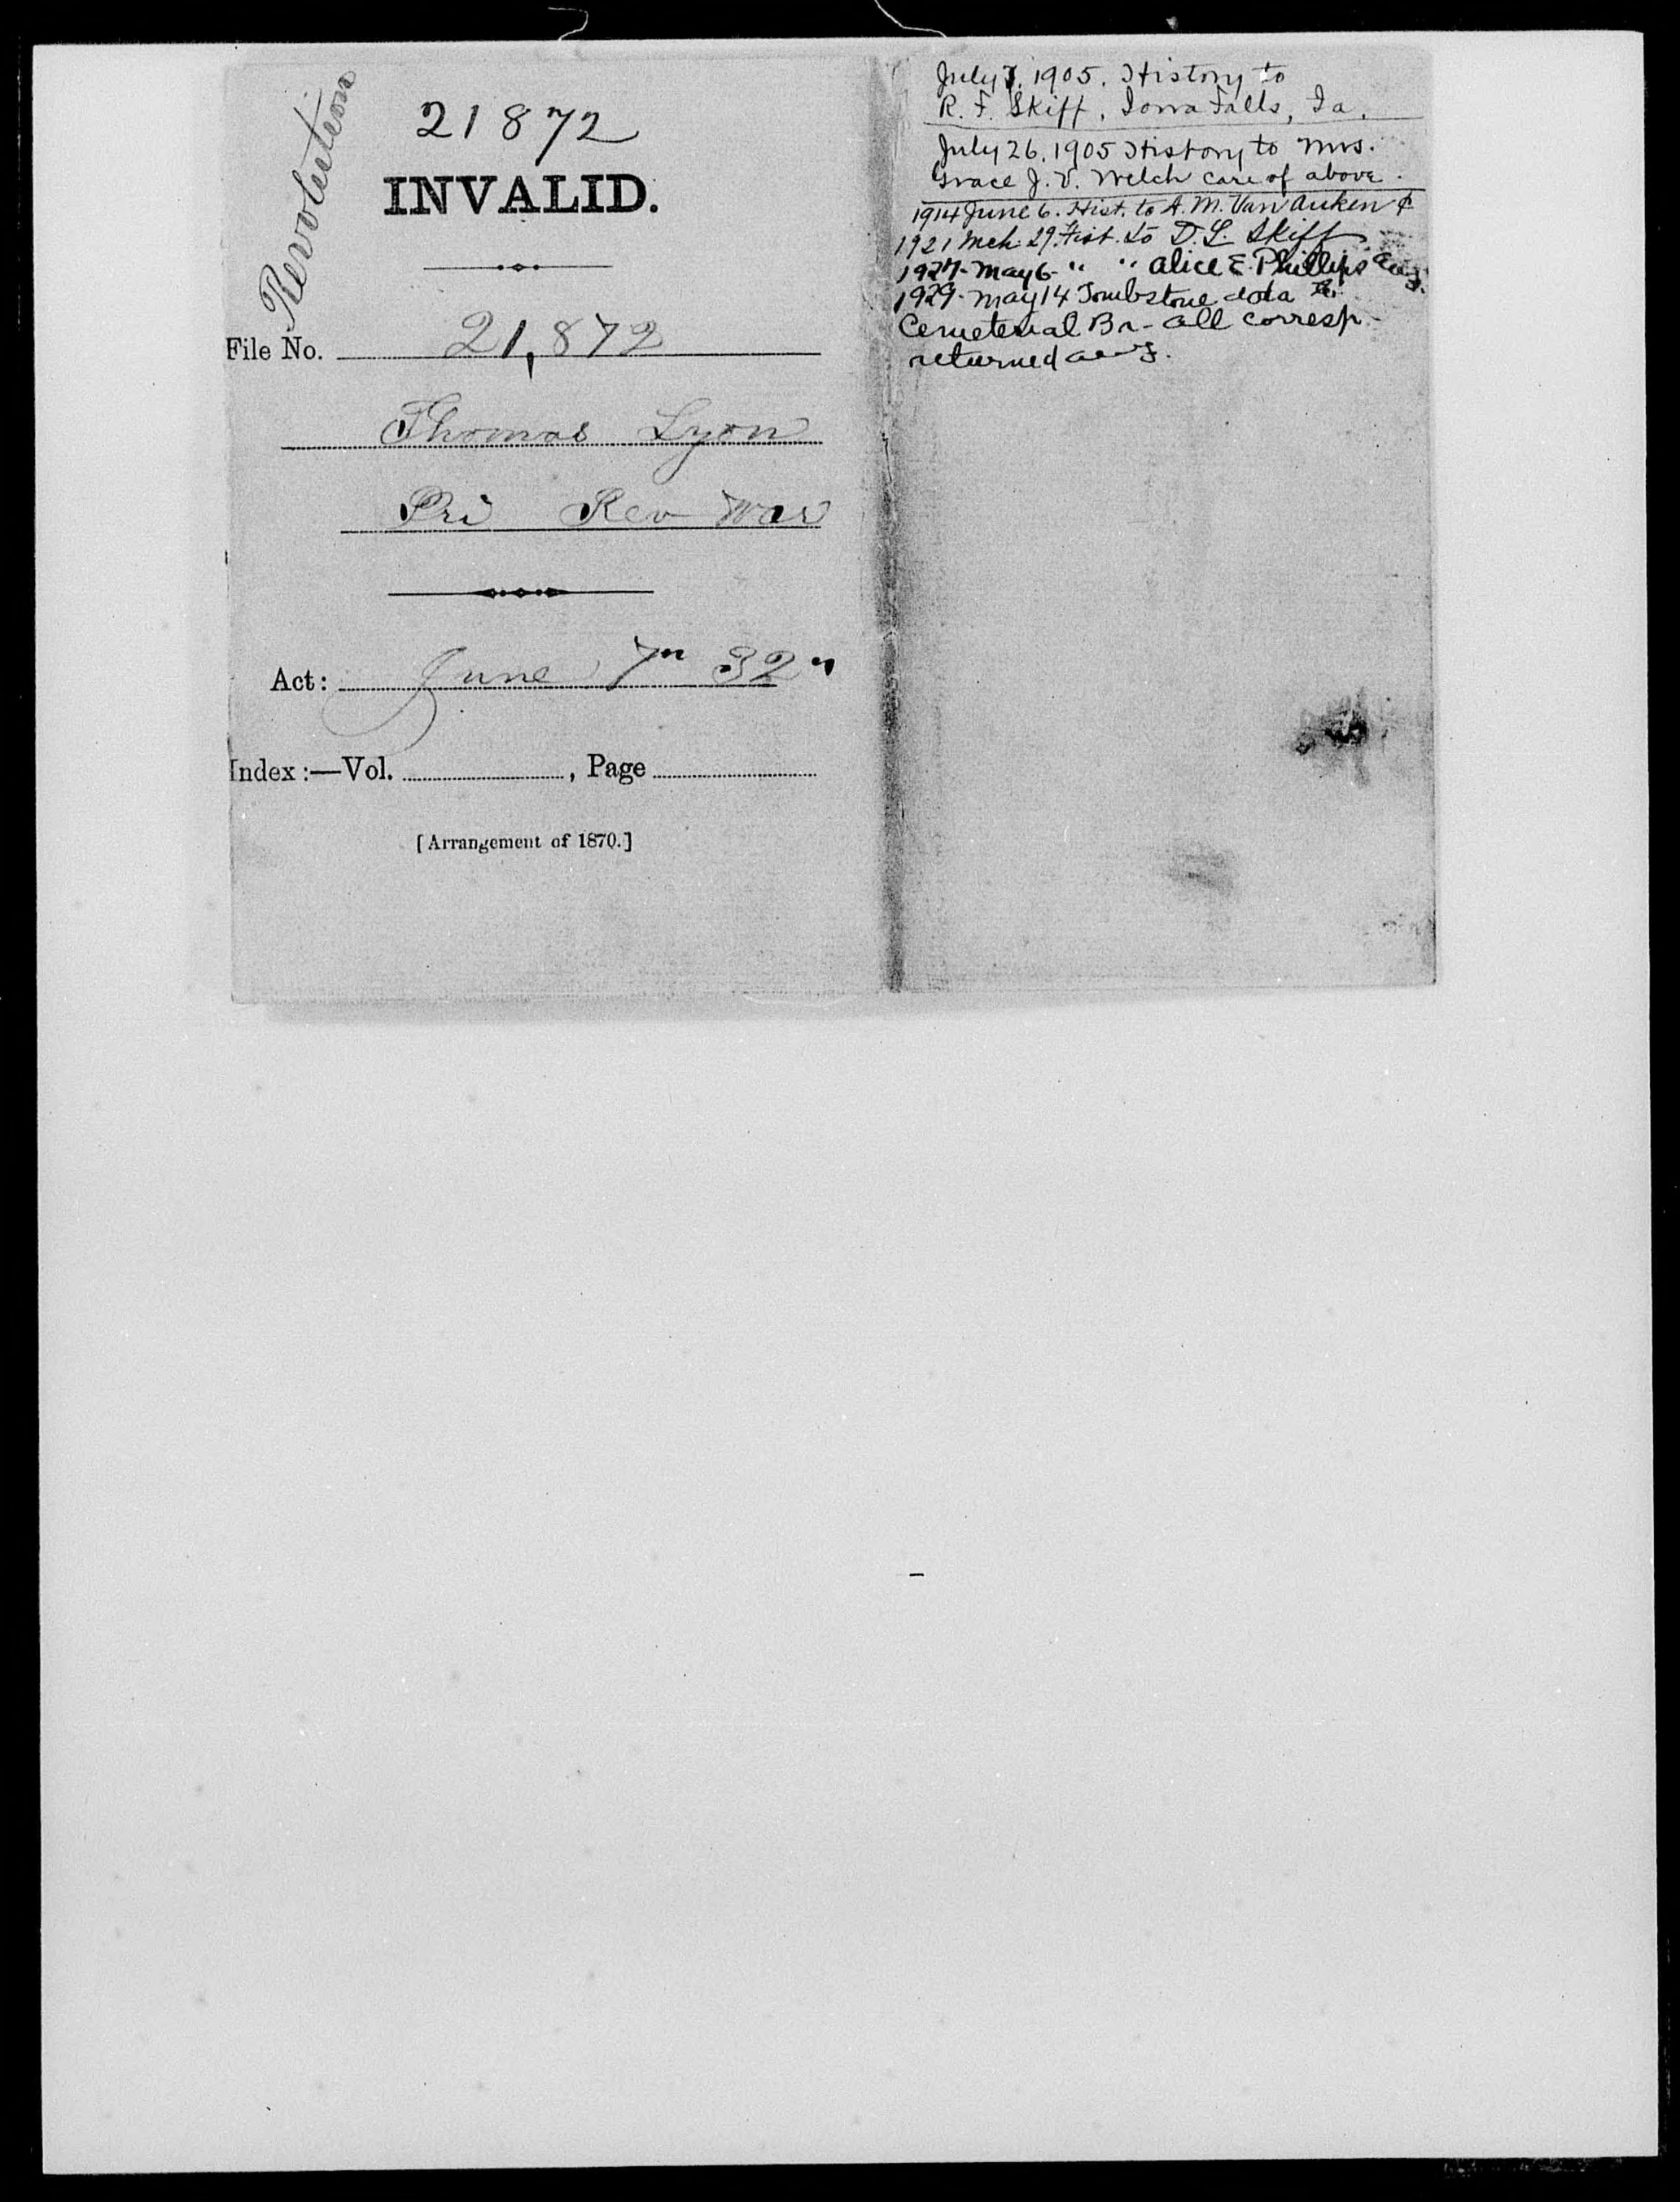File No.
Revolution
21872
INVALID.
--
File No. 21,872
Thomas Lyon
Pri Rev War
---
Act: June 7th 32
Index: -- Vol., __, Page __
[Arrangement of 1870.}

July 7, 1905, History to
R. F. Skiff, Iowa Falls, Ia.
--
July 26, 1905 History to Mrs.
Grace J. V. Welch care of above.
--
1914 June 6. Hist. to A.M. Van Auken
1921 Mch. 29 Hist. to D.L. Skiff
1927 May 6  "   " Alice E. Phillips awf
1929. May 14 Tombstone data to
Cemeterial Br. all Corresp.
returned awf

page: 22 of 28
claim: survivor's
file: S. 21,872, for Thomas Lyon, New York